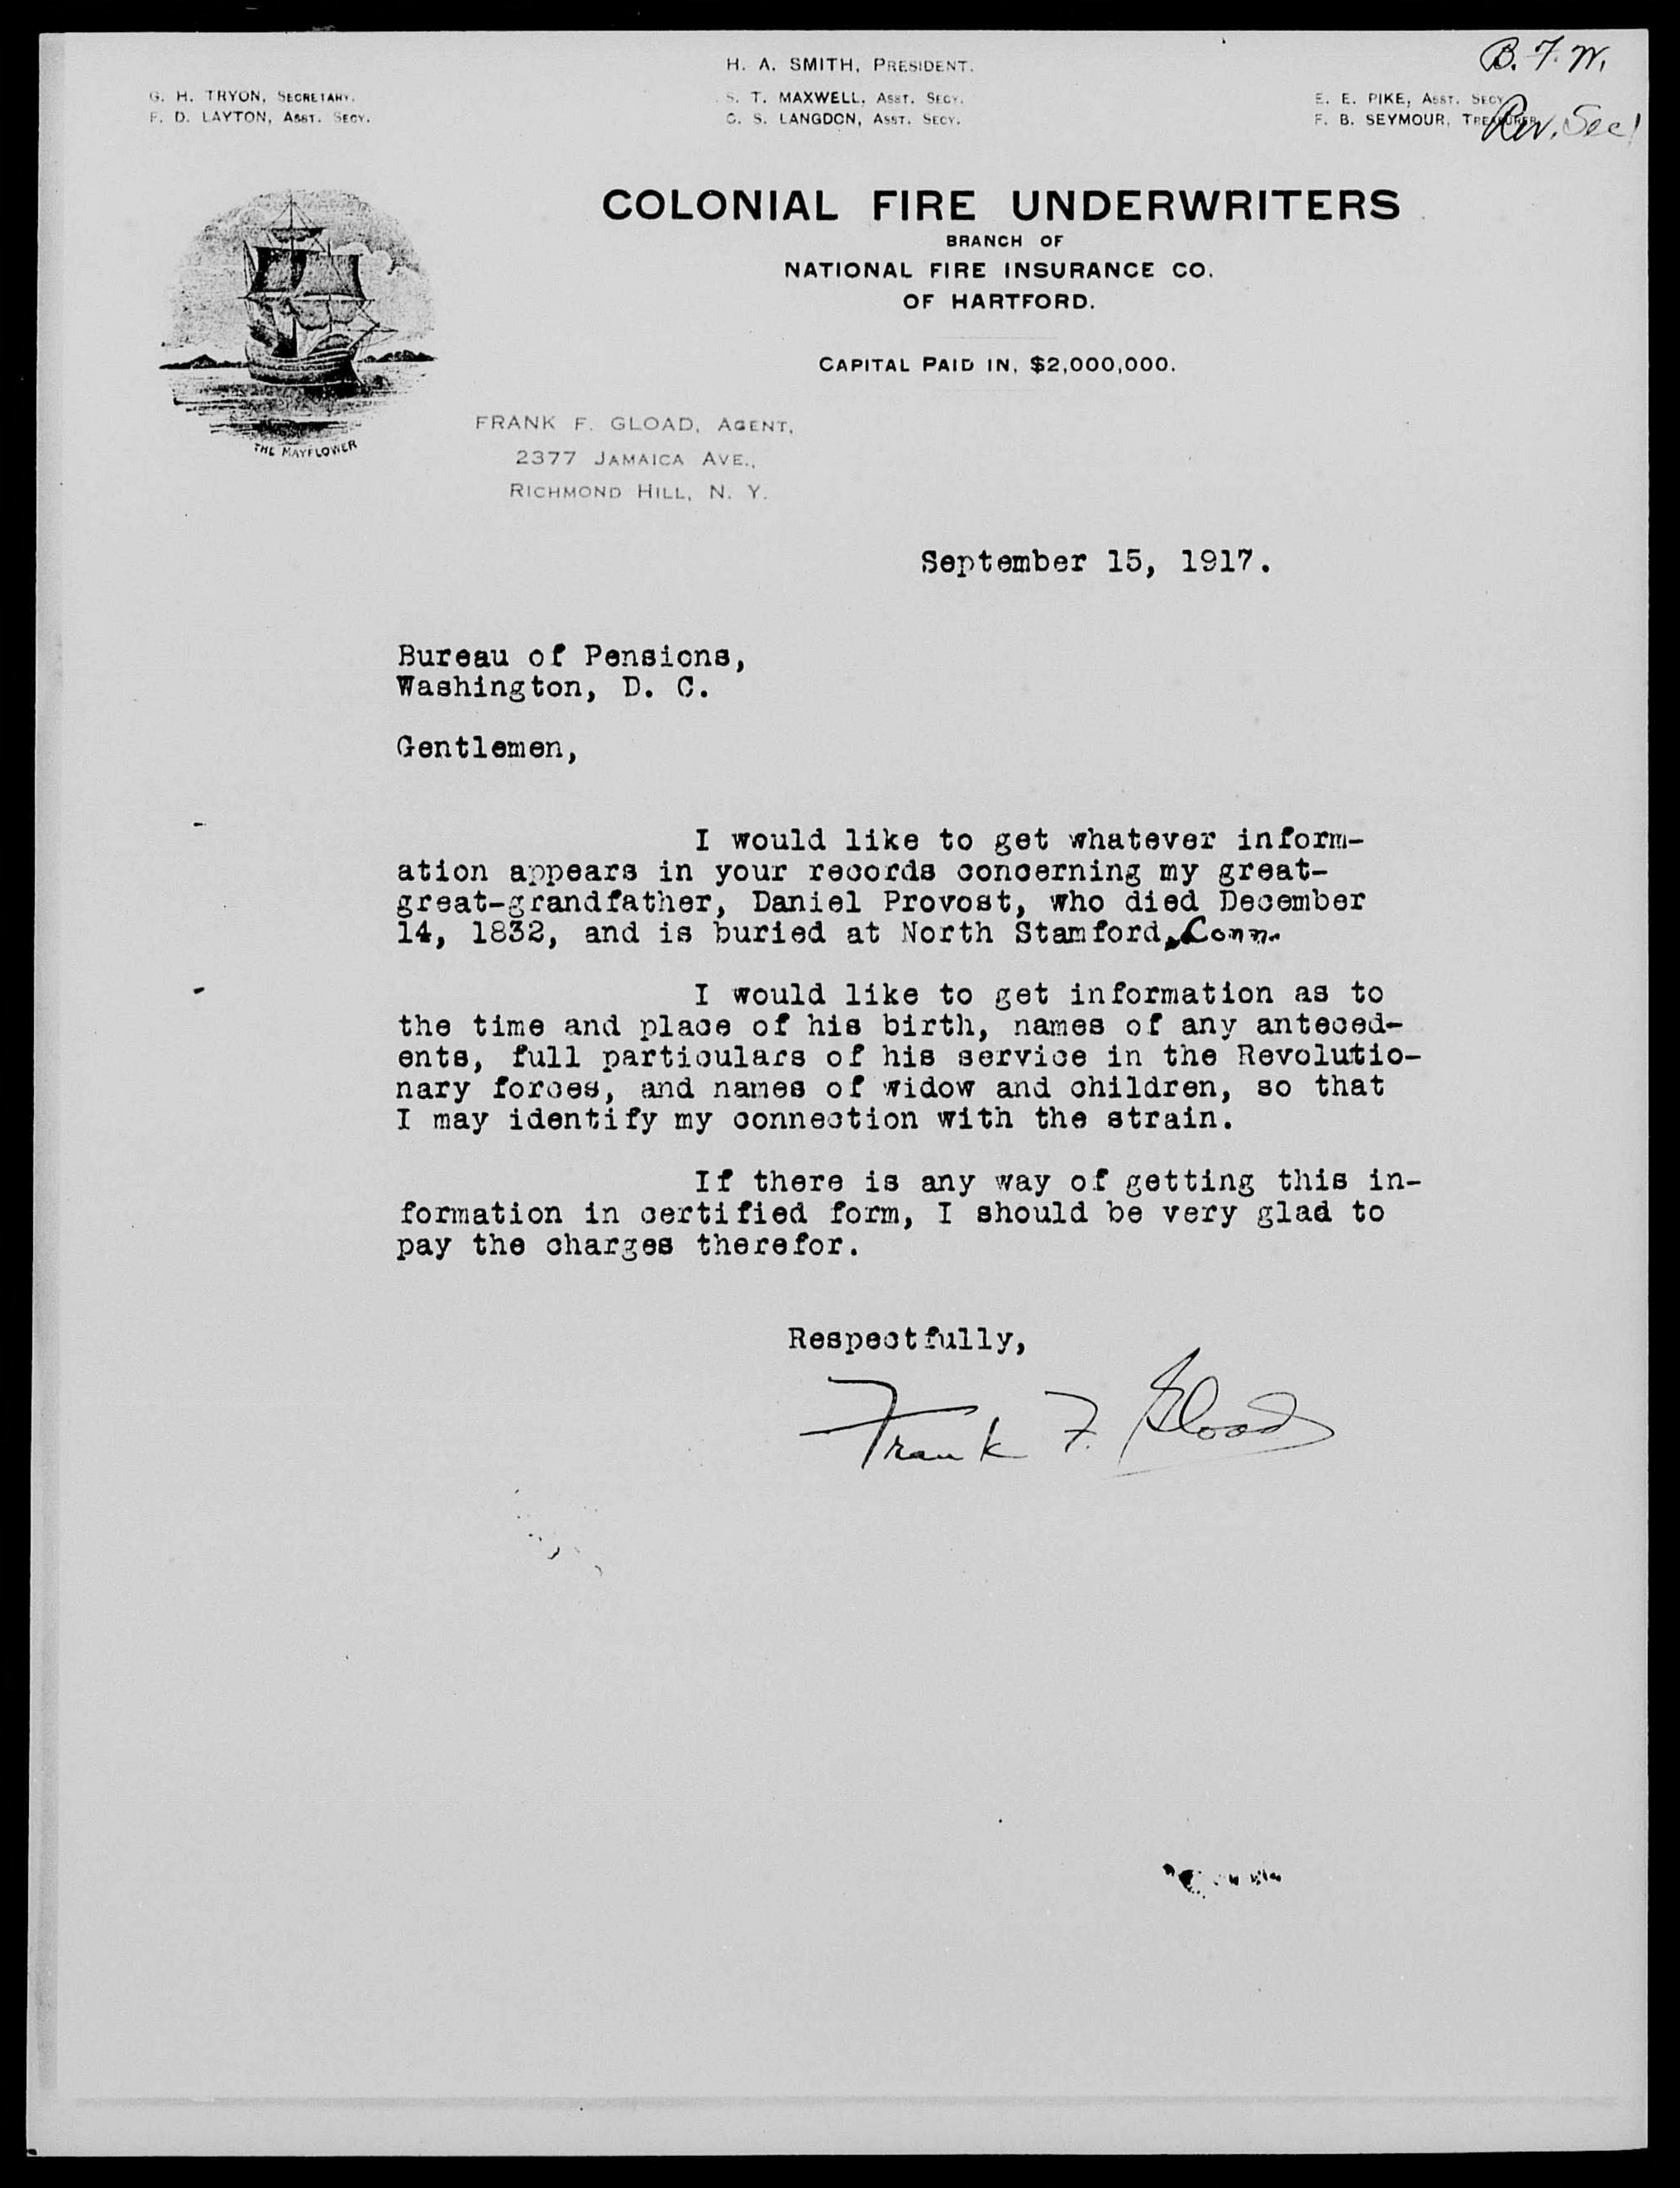G. H. TRYON, SECRETARY.
F. D. LAYTON, AST. SECY.
H. A. SMITH PRESIDENT.
S. T. MAXWELL, Asst. Secy.
C. S. LANGDON, Asst. Secy.
E. E. PIKE, Asst. Secy.
F. B. SEYMOUR, T, Treasurer
B.F. W.
Rev. Sect
COLONIAL FIRE UNDERWRITERS
BRANCH OF
NATIONAL FIRE INSURANCE CO.
OF HARTFORD.
CAPITAL PAID IN, $2,000,000.
FRANK F. GLOAD, AGENT.
2377 JAMAICA AVE.
RICHMOND HILL, N. Y.
September 15, 1917.
Bureau of Pensions,
Washington, D. C.
Gentlemen,
I would like to get whatever information  appears in your records concerning my great-
great-grandfather, Daniel Provost, who died December
14, 1832, and is buried at North Stamford Conn.
I would like to get information as to
the time and place of his birth, names of any antecedents
full particulars of his service in the Revolutionary 
forces, and names of widow and children, so that
I may identify my connection with the strain.
If there is any way of getting this information
in certified form, I should be very glad to
pay the charges therefor.
Respectfully,
Frank F Gload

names: F D Layton; S T Maxwell; Frank F Gload; E E Pike; F B Seymour; G H Tryon; C S Langdon; Daniel Provost; H A Smith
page: 11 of 24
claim: survivor's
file: S. 20,926, for Daniel Provost, Connecticut